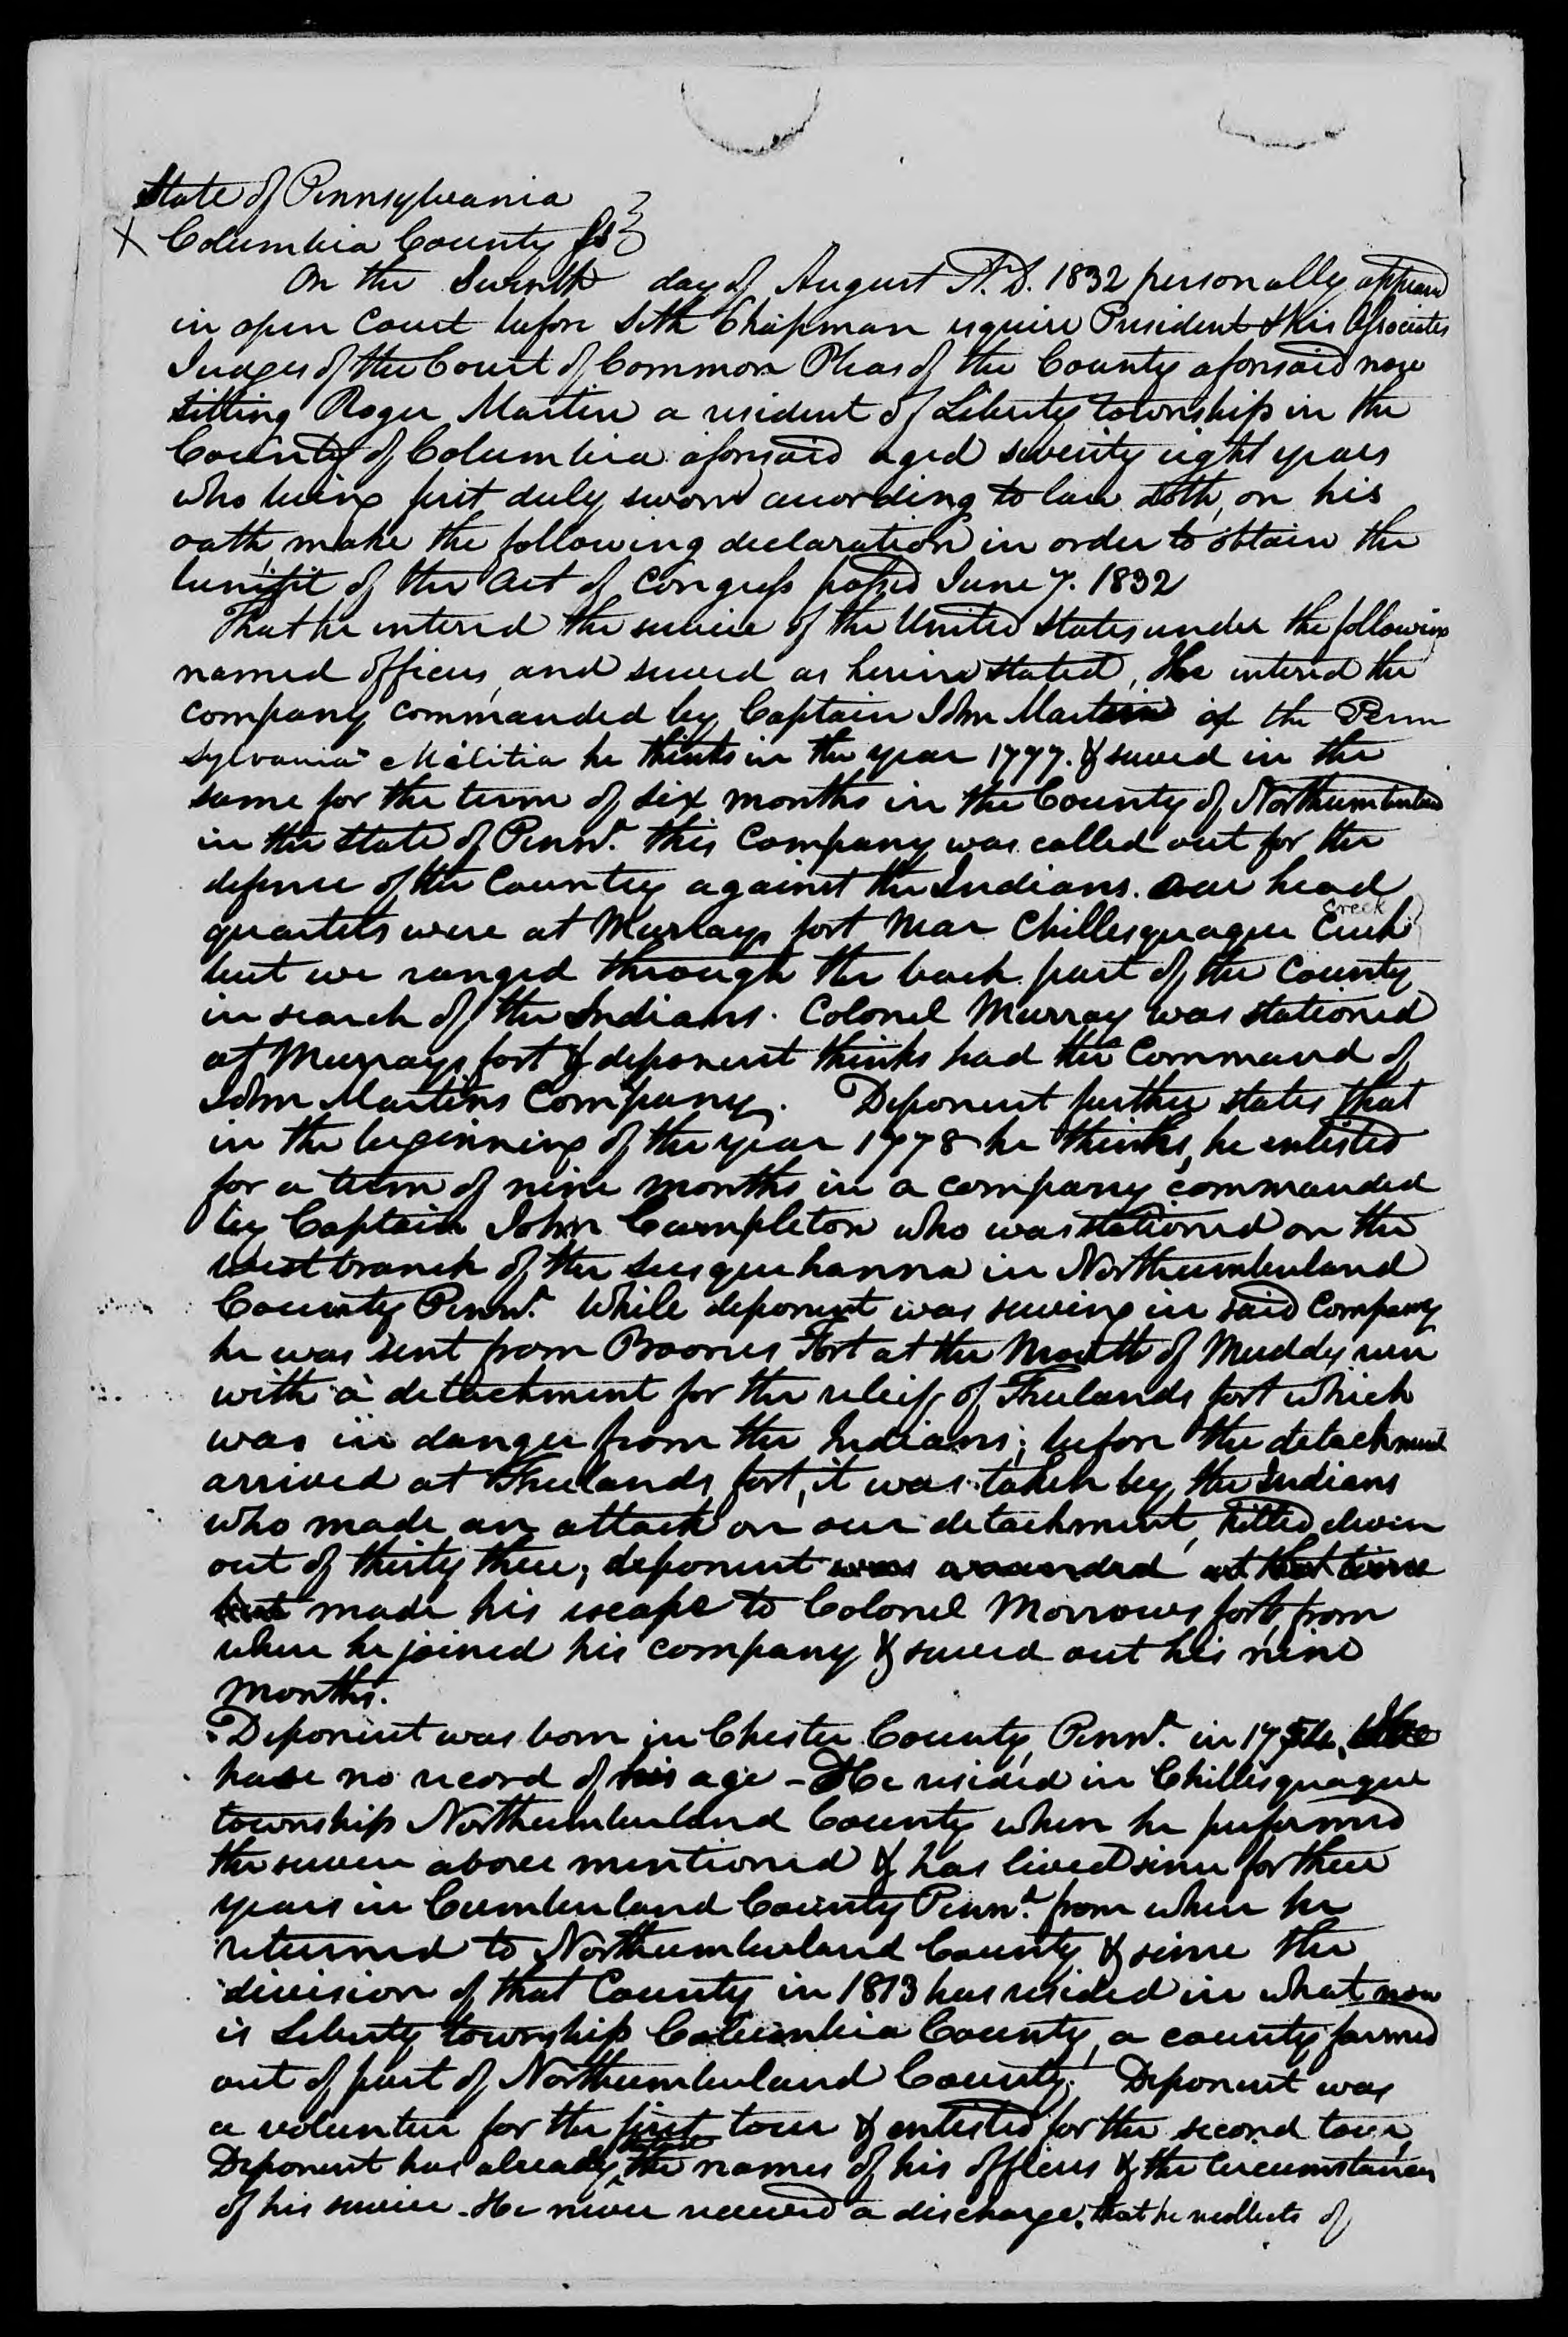State of Pennsylvania
Columbia County  ss

    On the seventh day of August A.D. 1832 personally appeared in open court before Seth Chapman Esquire President & his associate Judges of the Court of Common Pleas of the County aforesaid now sitting Roger Martin a resident of Liberty Township in the County of Columbia aforesaid aged seventy eight years who  being first duly sworn according to law doth, on his oath, make the following declaration in order to obtain the benefit of the act of Congress passed June 7th, 1832.
    That he entered the service of the United States under the following named officers, and served as herein stated; He entered the company commanded by Captain John Martin of the Pennsylvania Milita he thinks in the year 1777 & served in the same term of six months in the County of Northumberland in the state of Penn. this company was called out for the defense of the county against the Indians.  Our Headquarters were at Murray's Fort Chillisquaque Creek but was ranged through the back part of the county in search of the Indians.  Colonel Murray was stationed at Murray's Fort & deponent thinks had the Command of John Martin's Company.  Deponent further states that in the beginning of the year 1778 he thinks, he enlisted in Captain John Campleton who was stationed on the west branch of the Susquehanna in Northumberland County, Penna.  While deponent was serving in said company he was sent from Boone's Fort at the mouth of Muddy Run with a detachment for the relief of Thuland's Fort which was in danger from the Indians; before the detachment arrived at Fruland's Fort, it was taken by the Indians who made an attack on our detachment, killed driven out or thirty three, deponent made his escape to Colonel Morrow's Fort from where he joined his company & served out his nine months.  
    Deponent was born in Chester County Penna. in 1756, but has no record of his age, He resided in Chillisquaque Township Northumberland County when he performed the services above mentioned & has lived in for three years in Cumberland County Penna. from when he returned to Northumberland County & since the division of that county in 1813 has resided in what now is Liberty township Columbia County.  Deponent was a volunteer for the first tour & enlisted for the second tour deponent has already stated the names of his officer of the circumstances of his service.  He never received a discharge, that he recollects of    (next page)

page: 10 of 12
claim: survivor's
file: S. 2733, for Roger Martin, Pennsylvania